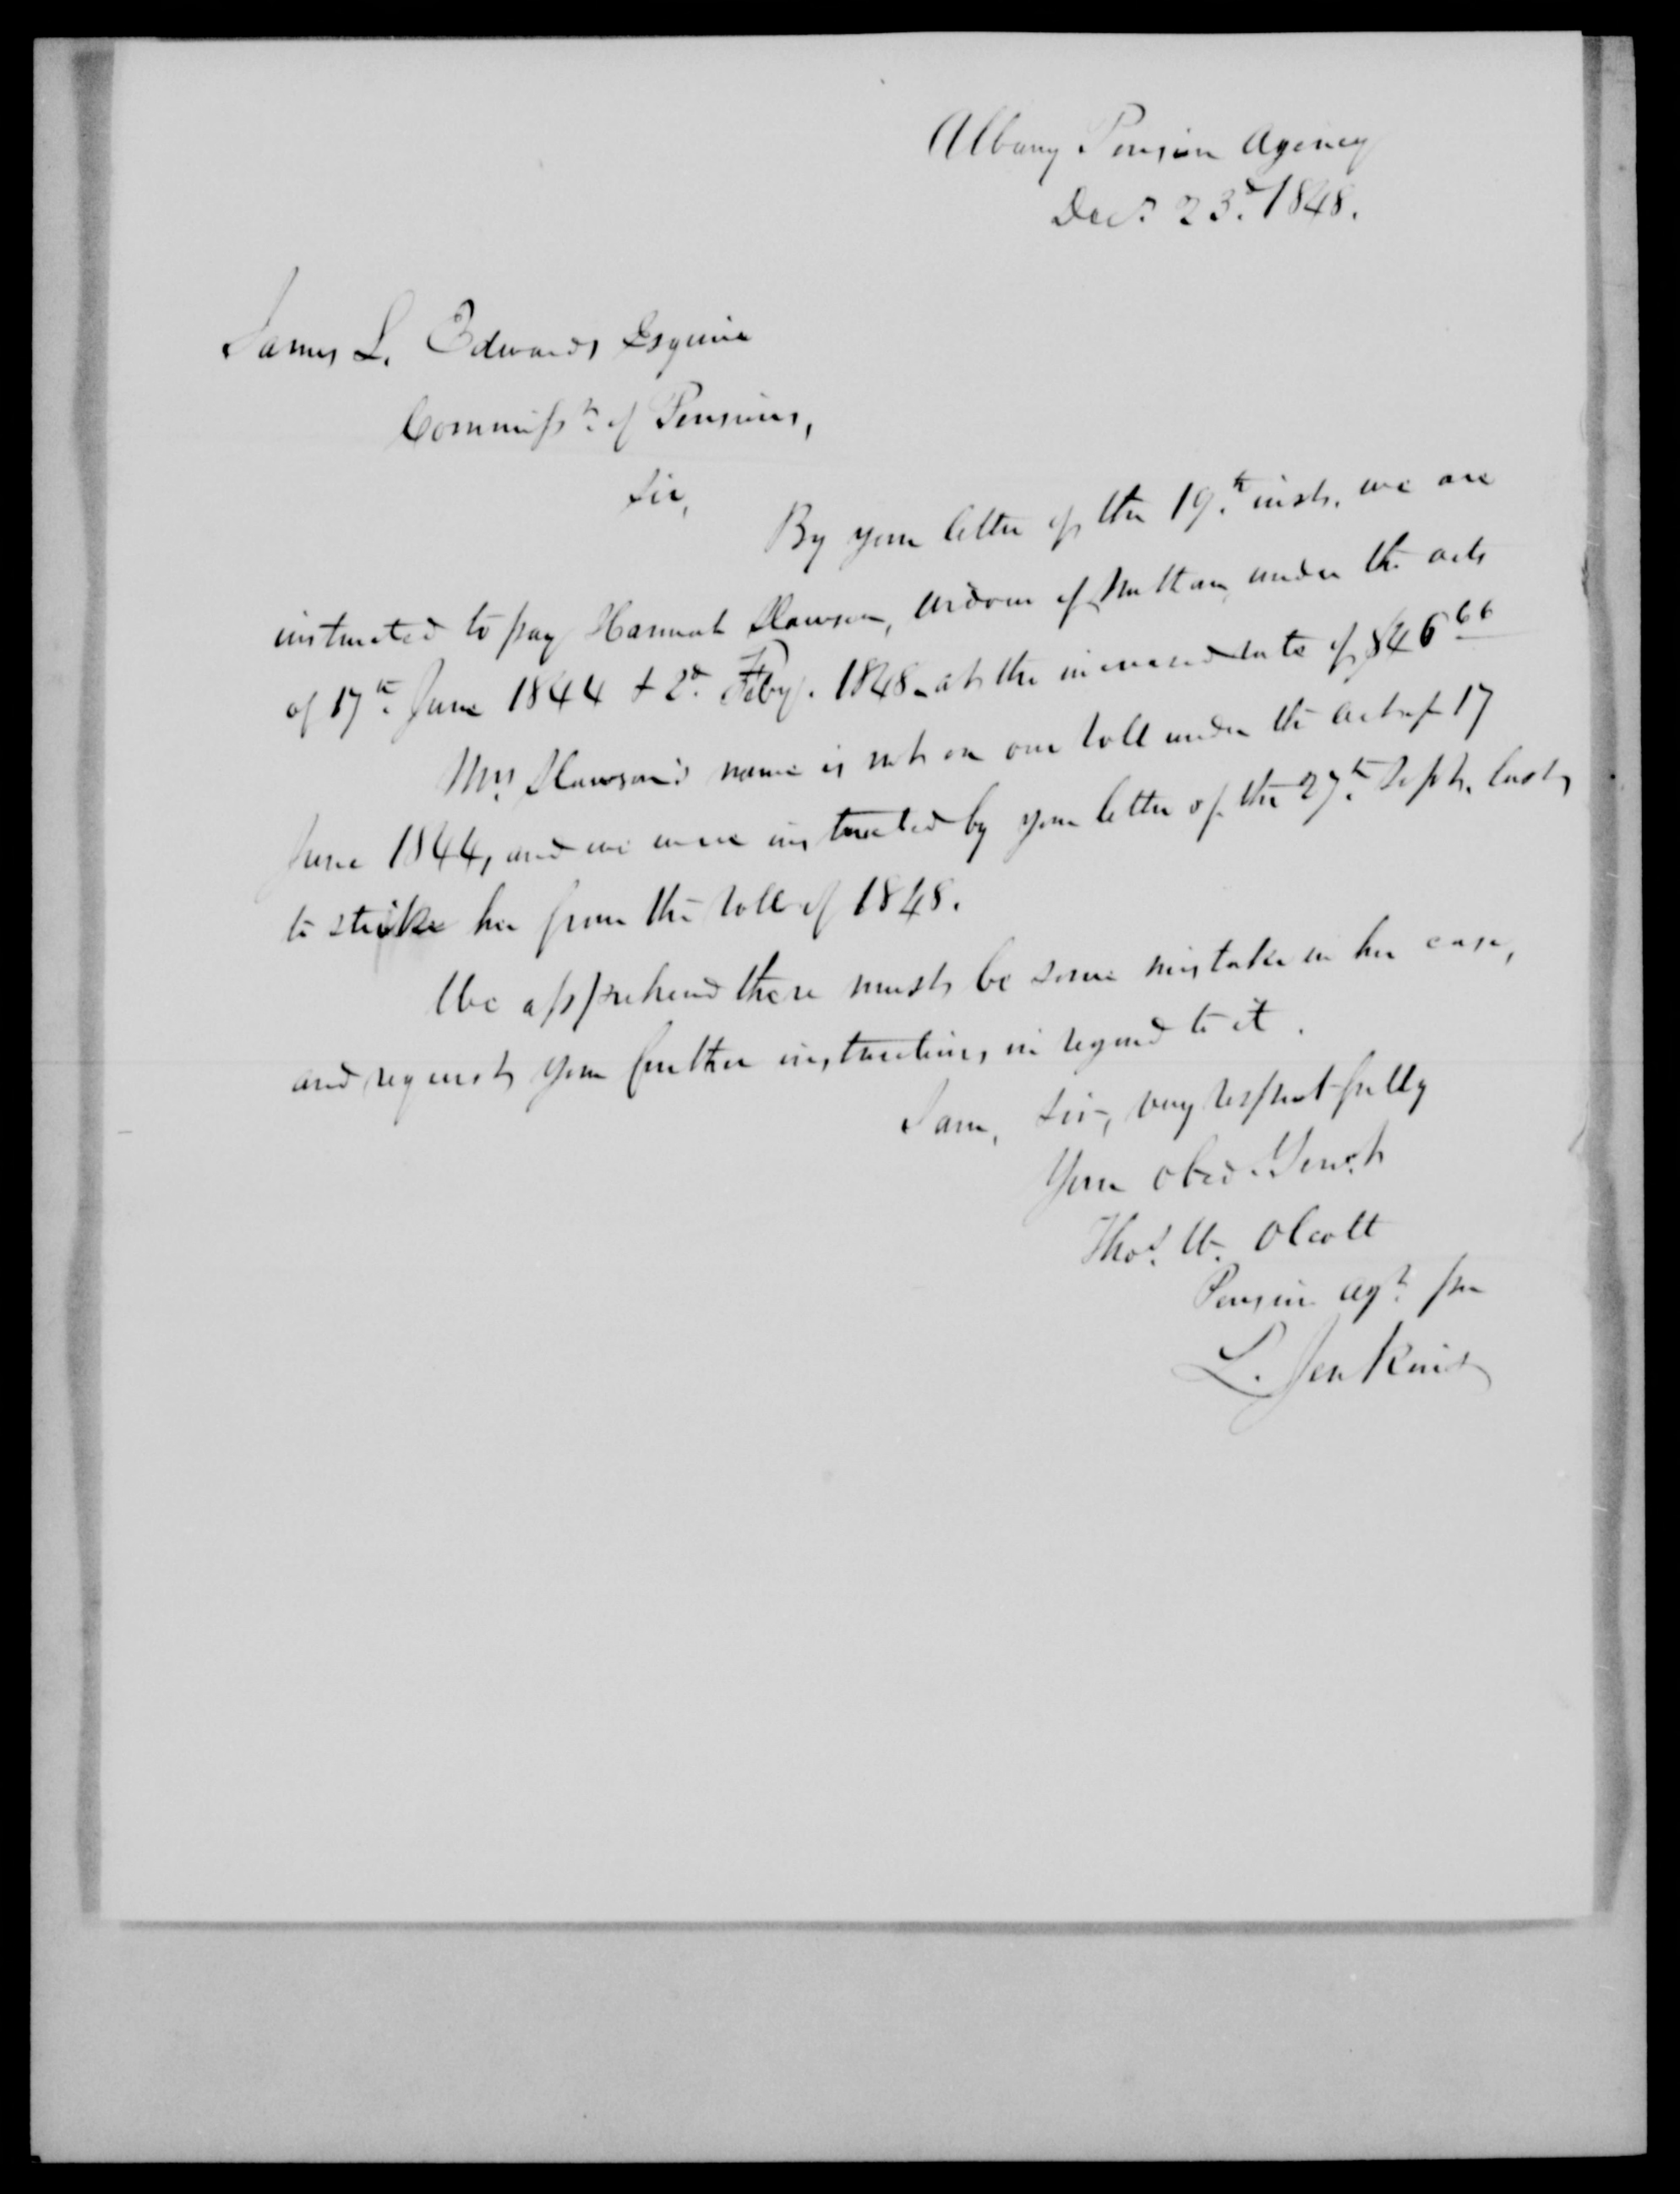Albany Pension Agency 
Decr 23d 1848 
James L. Edwards Esquire
Commiss of Pensions 
Sir 
By your letter of the 19th inst. we are instructed to pay Hannah Slawson, widow of Nathan Slawson, under the act of 17th June 1844 & 2 Feb 1848, at the increase to $ 46.66.
Mrs. Slawson's name is not on our roll under the act of 17 June 1844, and we were instructed by your letter of the 27th Sept. last to strike her from the roll of 1848.
The apprehend there must be some mistake in her case and request you further instruction, in regard to it. 
I am Sir, very respectfully your obed Sevt 
Thos W. Olcott 
Pension Agt for L. Jenkins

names: Thos W Olcott; Hannah Slawson; L Jenkins; [BLANK] Slawson; James L Edwards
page: 62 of 87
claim: widow's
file: W. 22,226, for Nathan Slawson, Connecticut